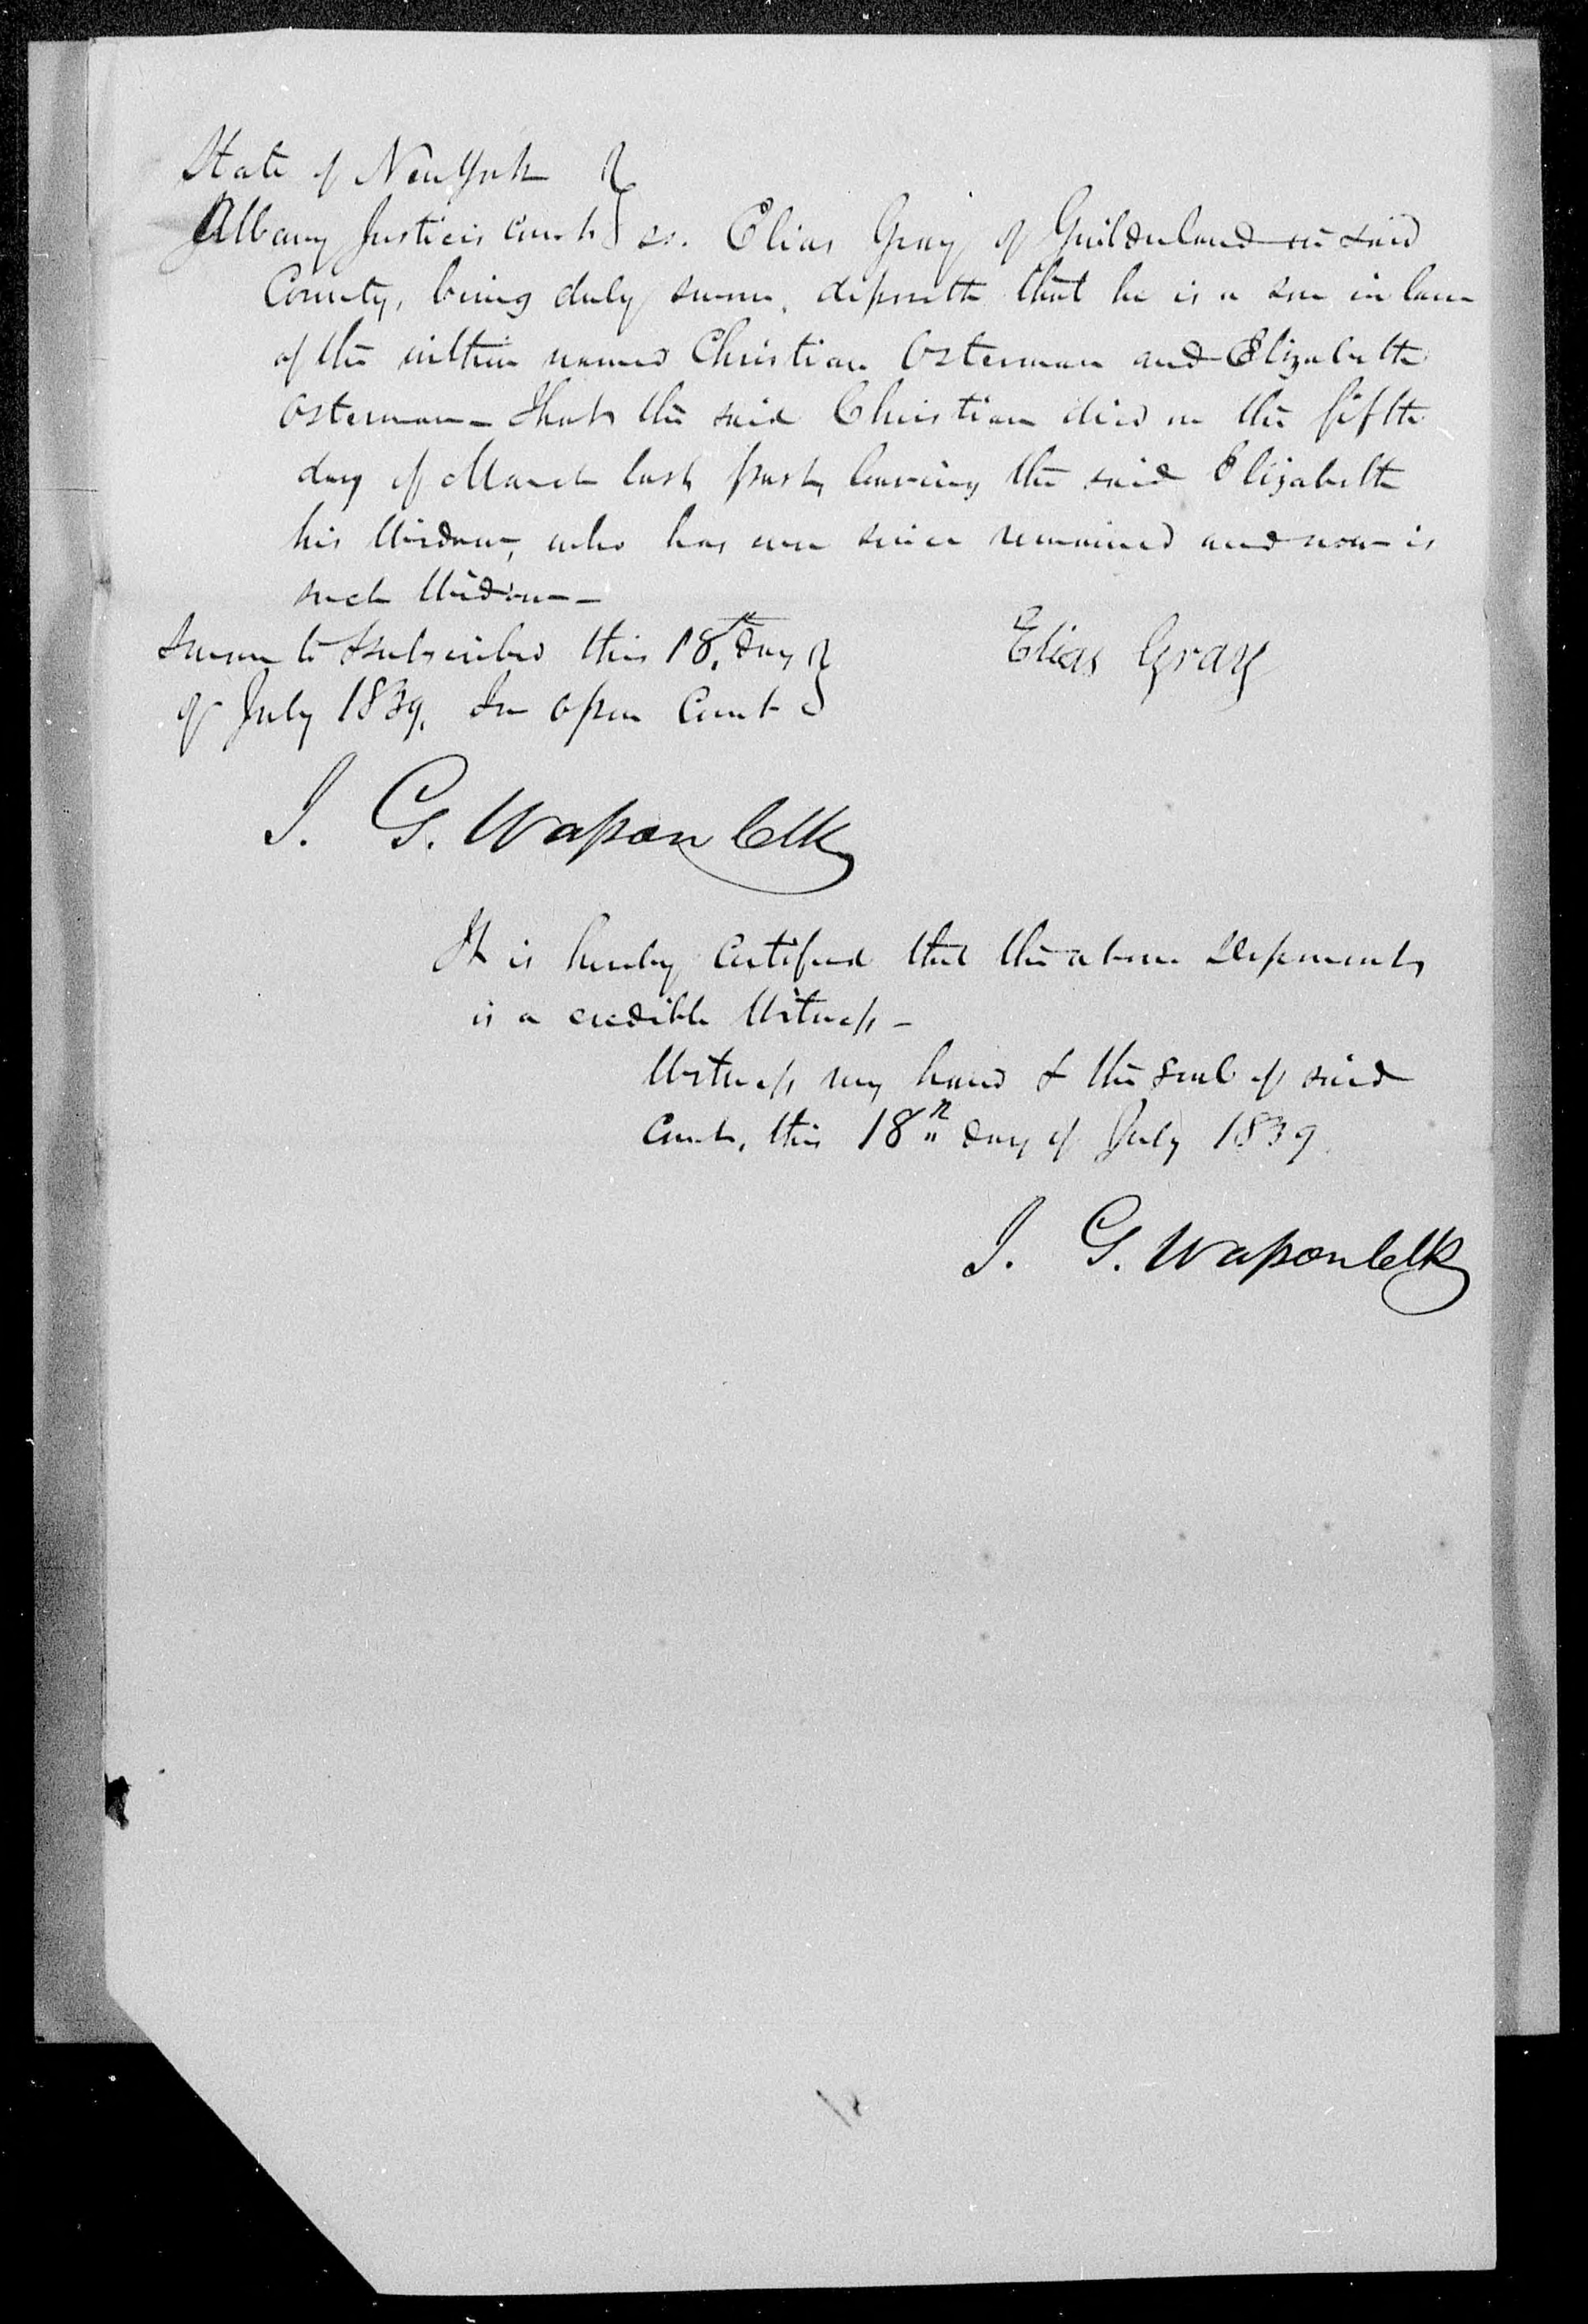State of New York
Albany Justices Court ss Elias Gray of Guilderland in said County, being duly sworn deposeth that he is a son in law of the within named Christian Osterman and Elizabeth Osterman which the said Christian died on the fifth day of March last past leaving the said Elizabeth his widow who has ever since remained and now is such widow. 
Elias Gray
Sworn and subscribed this 18th day 
of July 1839 In Open Court 
J.G. Wasson Clk

It is hereby certified that the above deponent is a credible witness
Witness my hand and the seal of said court this 18th day of July 1839
J.G. Wasson Clk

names: Elizabeth Osterman; Christian Osterman; Elias Gray; J G Wasson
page: 8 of 40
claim: widow's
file: W. 21876, for Christian Osterman, New York